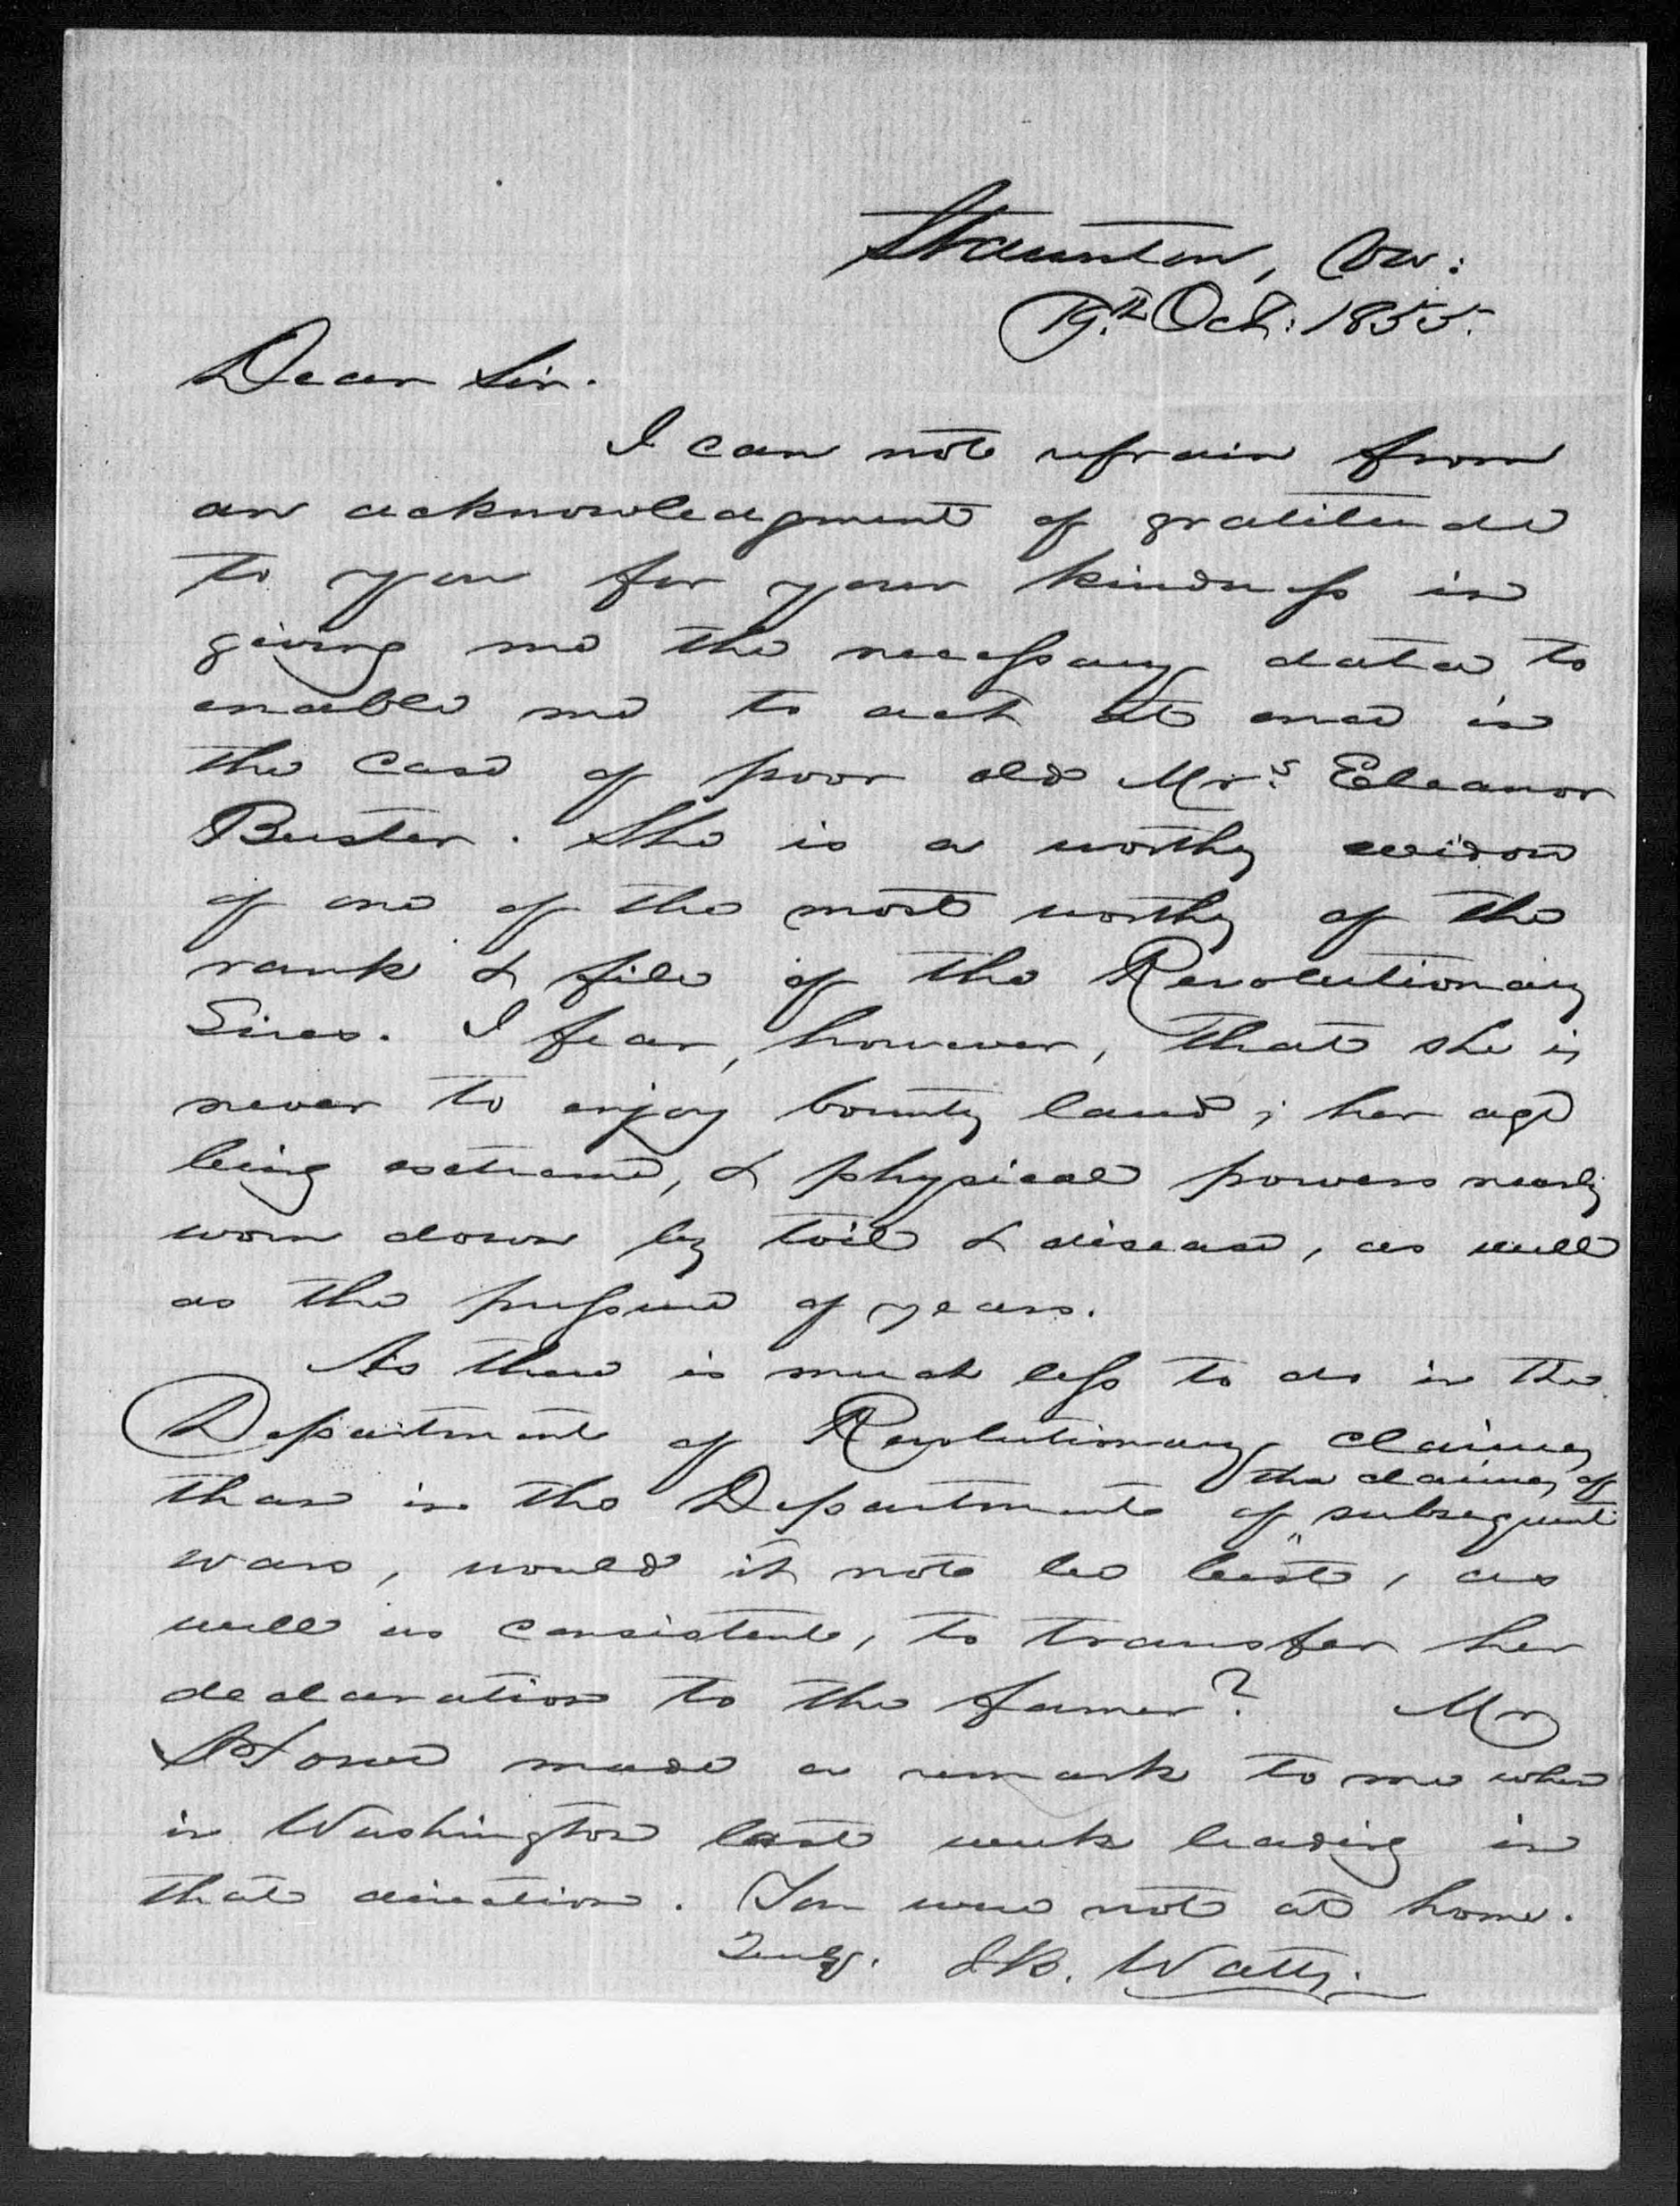Staunton, Va:
19th Oct: 1855.

Dear Sir.

I can not refrain from an acknowledgment of gratitude to you for your kindness in giving me the necessary data to enable me to act at once in the case of poor old Mrs. Eleanor Buster. She is a worthy widow of one of the most worthy of the rank & file of the Revolutionary Sires. I fear, however, that she is never to enjoy bounty land; her age being extreme, & physical powers nearly worn down by toil & disease, as well as the pressure of years.

As there is much less to do in the Department of Revolutionary claims than in the Departments of ^ the claims of subsequent wars, would it not be best, as well as consistant, to transfer her declarations to the former? Mr Howe made a remark to me when in Washington last week leading in that direction. You were not at home.
[illegible]
J. B. Watts.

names: Eleanor Buster, J B Watts, Howe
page: 34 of 71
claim: widow's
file: W. 25310, Claudius Buster, Va.